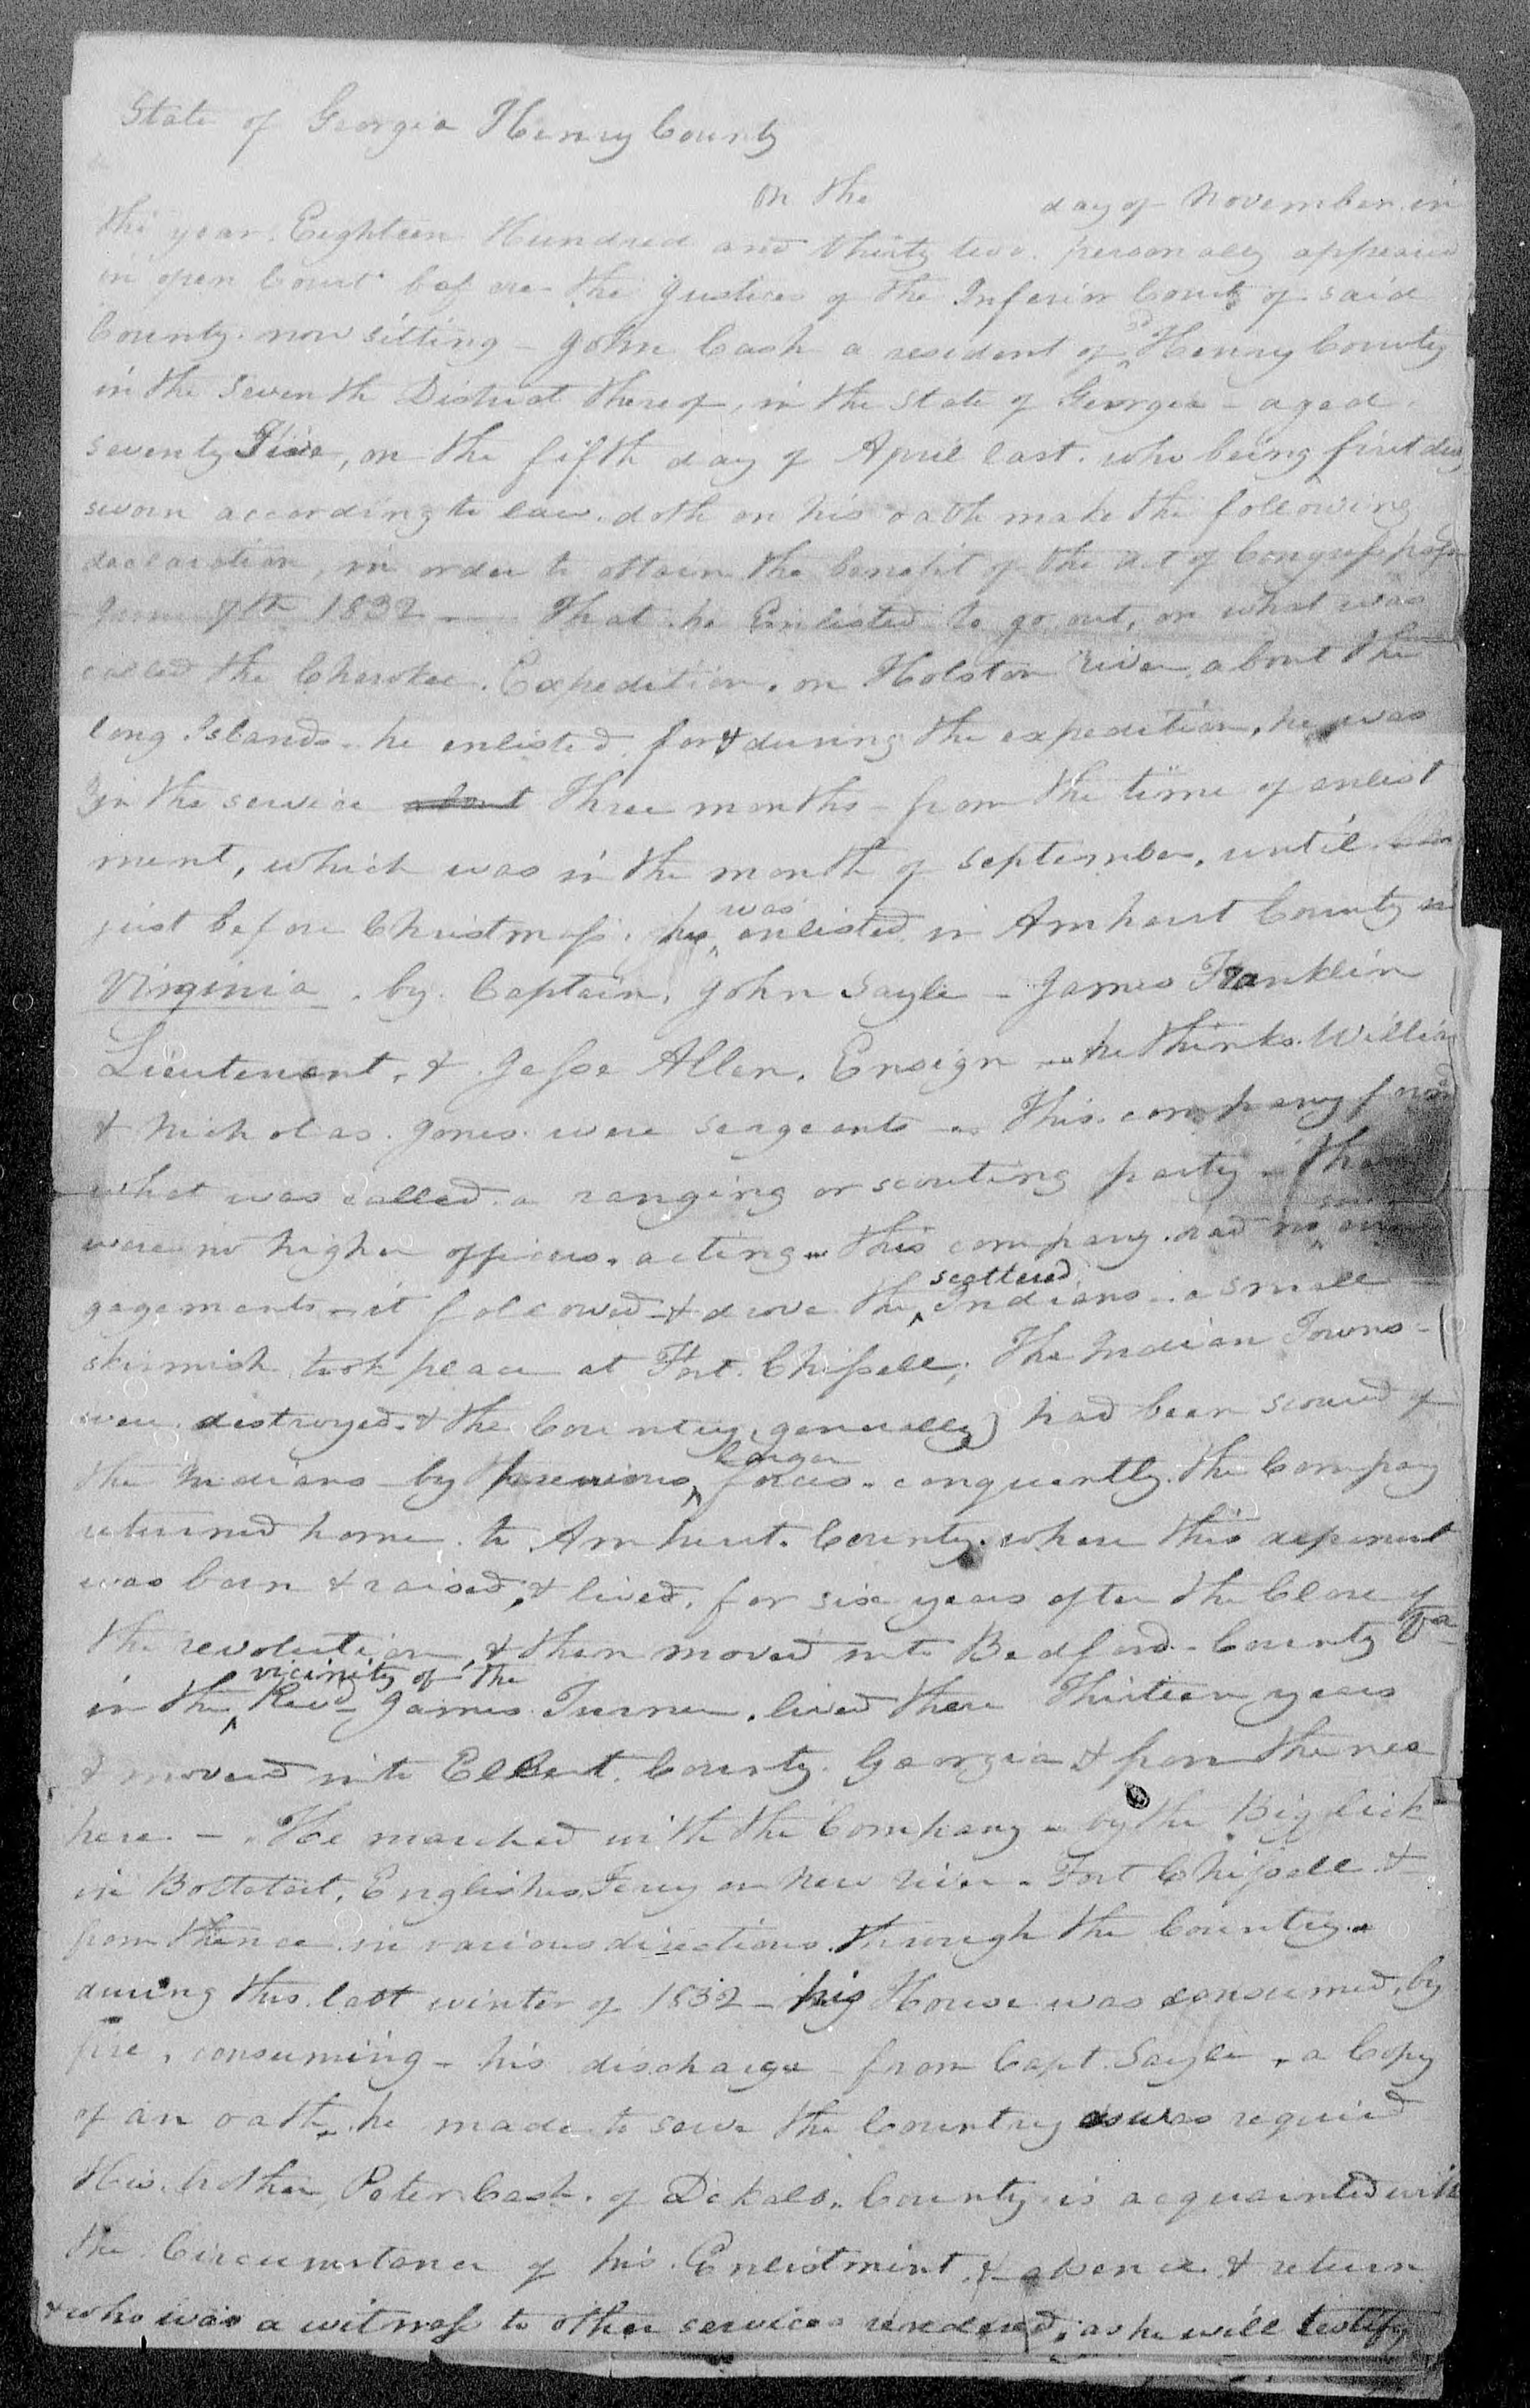State of Georgia Henry County
on the ___ day of November in the
year Eighteen Hundred and thirty-two, personally appeared
in open Court of the Justices of the Inferior Court of said
County now sitting, John Cash a resident of Henry County in the
Seventh District thereof, in the State of Georgia, aged seventy five, on the fifth day of April last who being first sworn 
according to law, doth on his oath make the following declaration, in order to obtain the bounty of the Act of Congress June 
7th 1832 - That he enlisted to go out, on what was called the Charter Expedition, on Holston River about the Long Island. He enlisted for & during the expedition, he was in the service three months from the time of enlistment, which was in the month of September, until just before Christmas. He enlisted in Amherst County, Virginia by Captain John Sayle - James Franklin, Lieutenant & Jesse Allen, Ensign. he thinks William and 
Nicholas Jones were sergeants This company what was called a ranging or scouting party, the
were no high officers, acting this company and in engagements- it followed & drove the scattered Indians. A small skirmish took place at Fort Chiswell. The Indian Towns were destroyed & the County generally had been _____ by the Indians by previous ranger forces conquently the company
returned home to Amherst County where this deponent was born & raised & lived for six years after the close of the revolution & then moved into Bedford County
in the vicinity or Rev James Turner, lived there thirteen years then 
 moved into Elbert County Georgia & from thence here.
He marched with the Company by Big Lick in Botetourt, Inglish's Ferry on New River. Fort Chiswell and from thence in various directions through the County
during this last winter of 1832.  his House was consumed by fire, 
consuming his discharge from Capt. Sayle, a Copy of an oath he made to serve the Country was required.
His father, Peter Cash of Dekalb, County is acquainted with the circumstance of his Enlistment & absence & return and who was a witness to other services rendered as he will testify
R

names: Jesse Allen, Nicholas Jones, William Jones, Sayle, James Turner, John Cash, James Franklin, John Sayle, Peter Cash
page: 3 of 73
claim: widow's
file: W. 5,894, John Cash, Va.